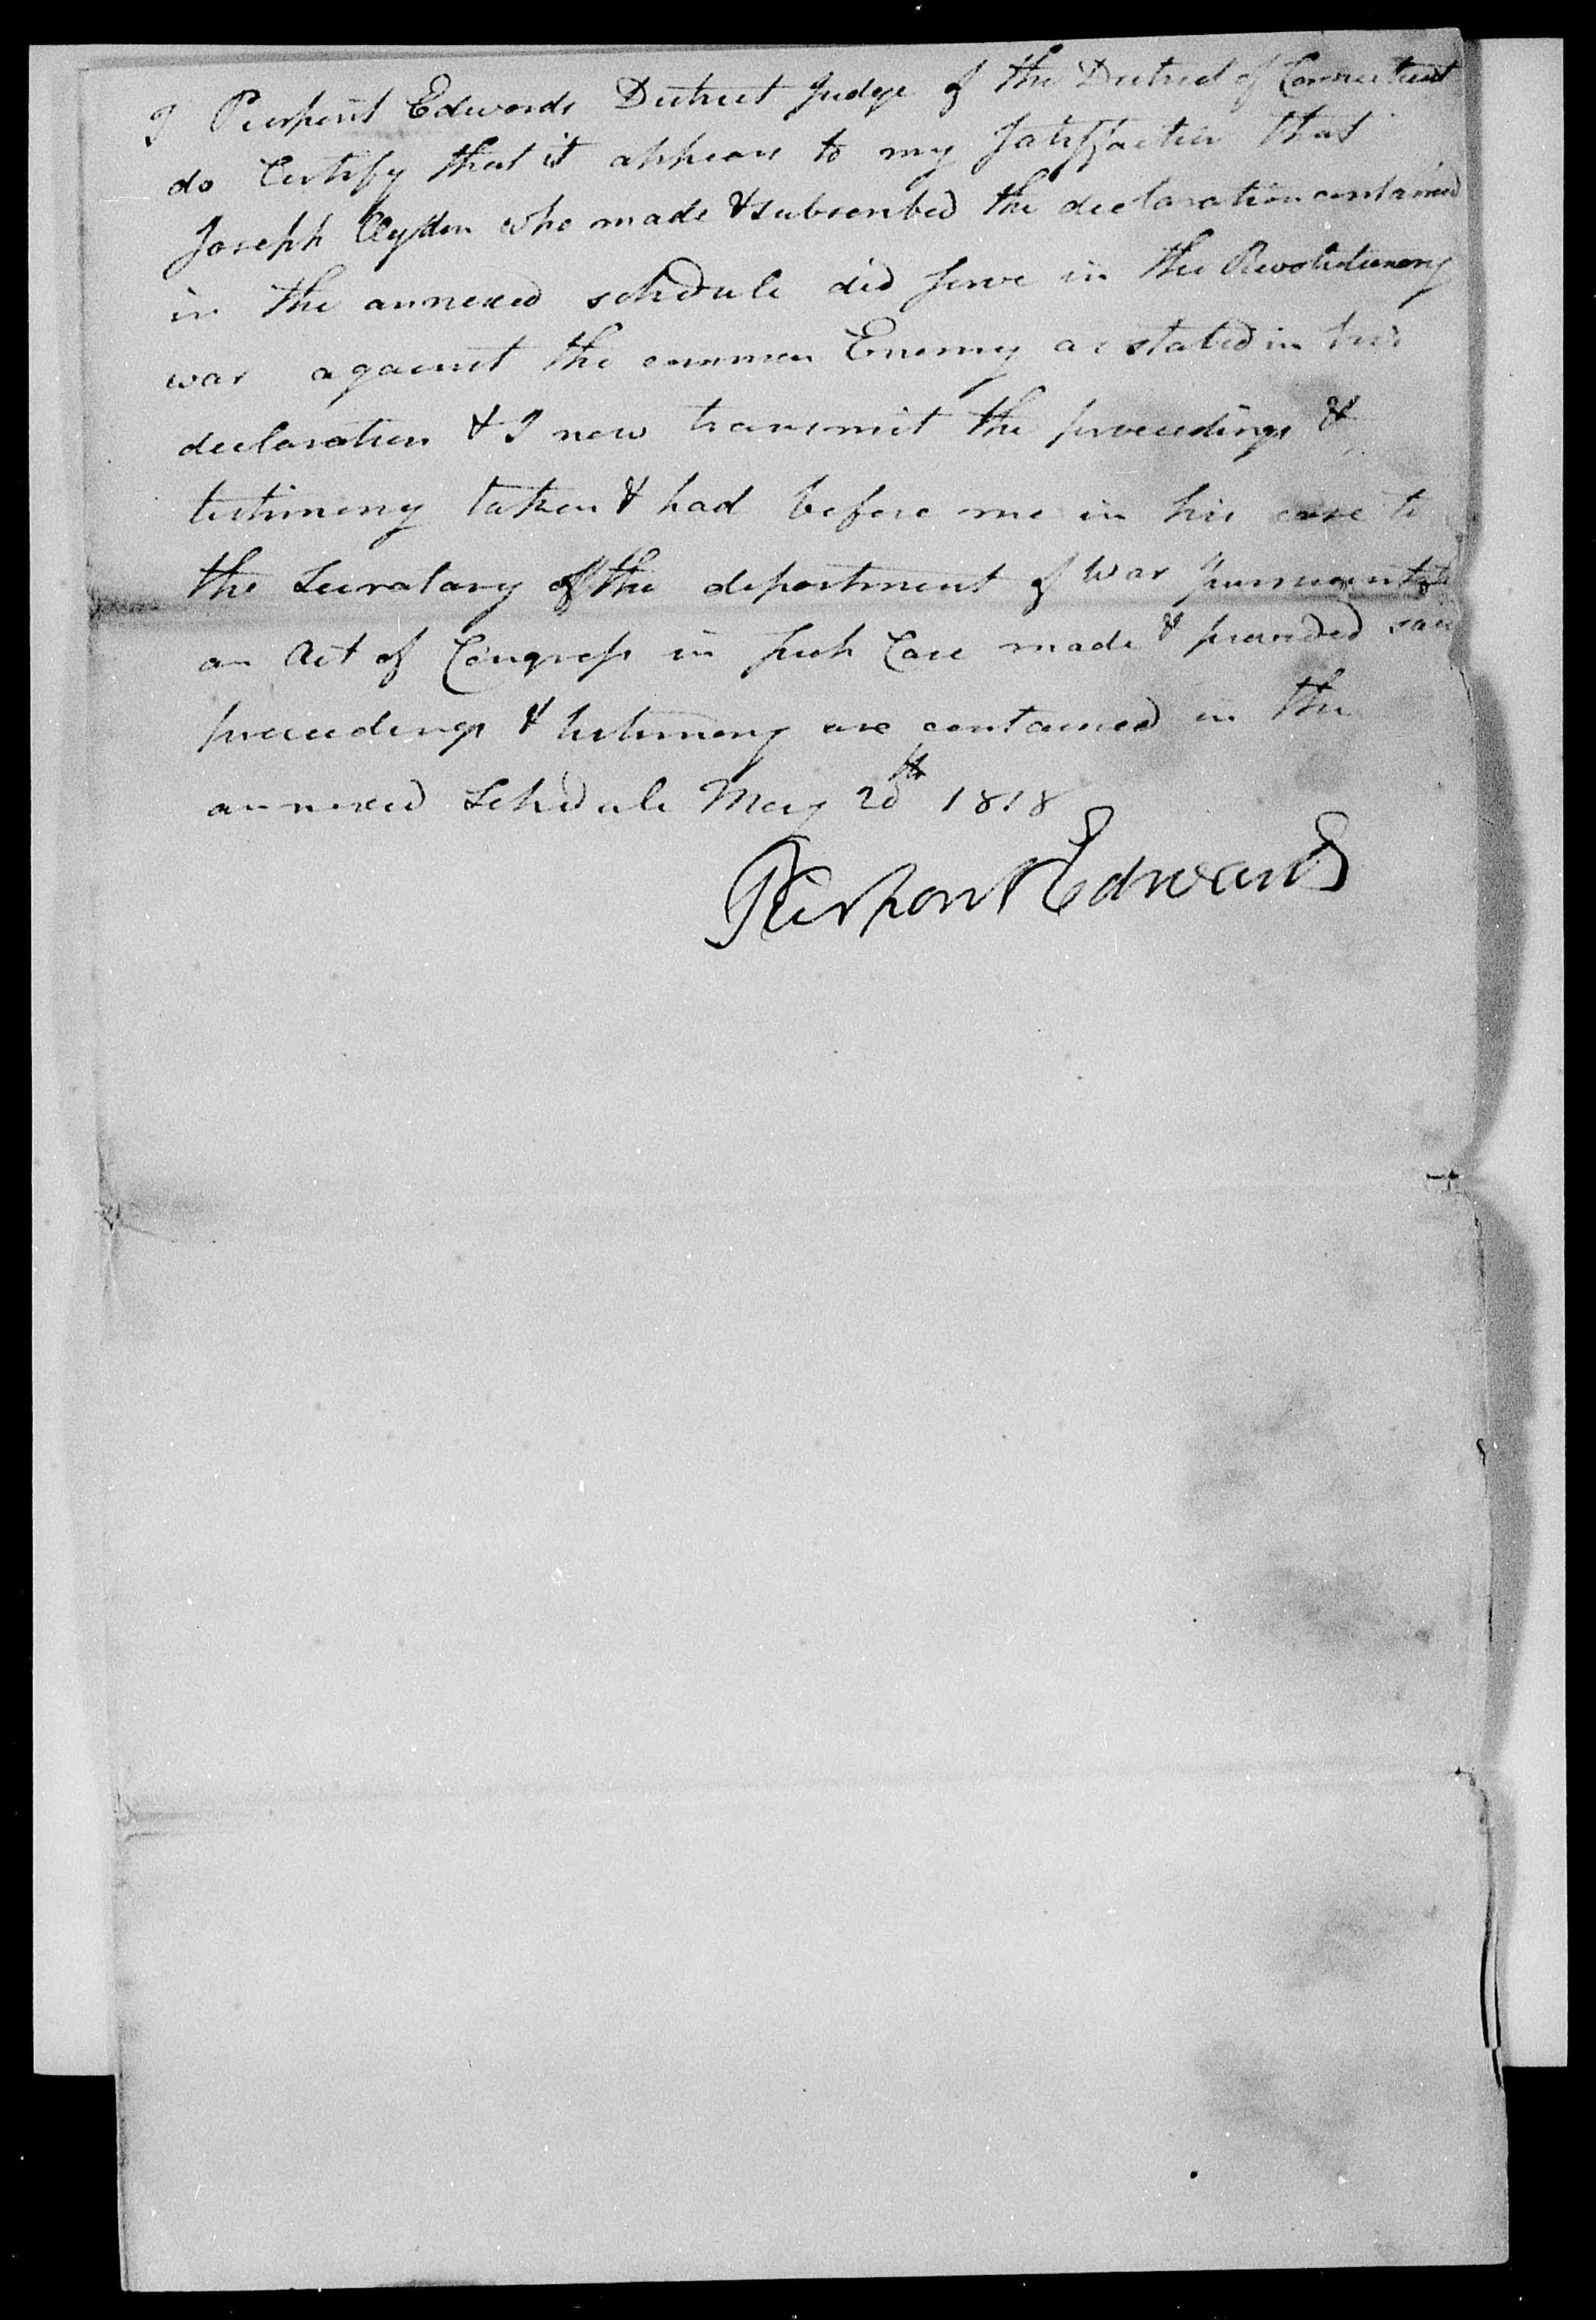of Pierpont Edwards District Judge of the District of Connecticut
do certify that it appears to my satisfaction that
Joseph Ogden who made & subscribed the declaration contained
in the annexed schedule did serve in the Revolutionary 
war against the common Enemy as stated in his
declaration & I now transmit the proceedings &
testimony taken & had before me in his case to
the Secretary of the department of War [illegible]
an act of Congress in such case made & provided said
proceedings & testimony are contained in
the
annexed schedule May 20th 1818
Pierpont Edwards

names: Pierpont Edwards; Joseph Ogden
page: 15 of 15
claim: survivor's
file: S. 38,277, for Joseph Ogden, Connecticut